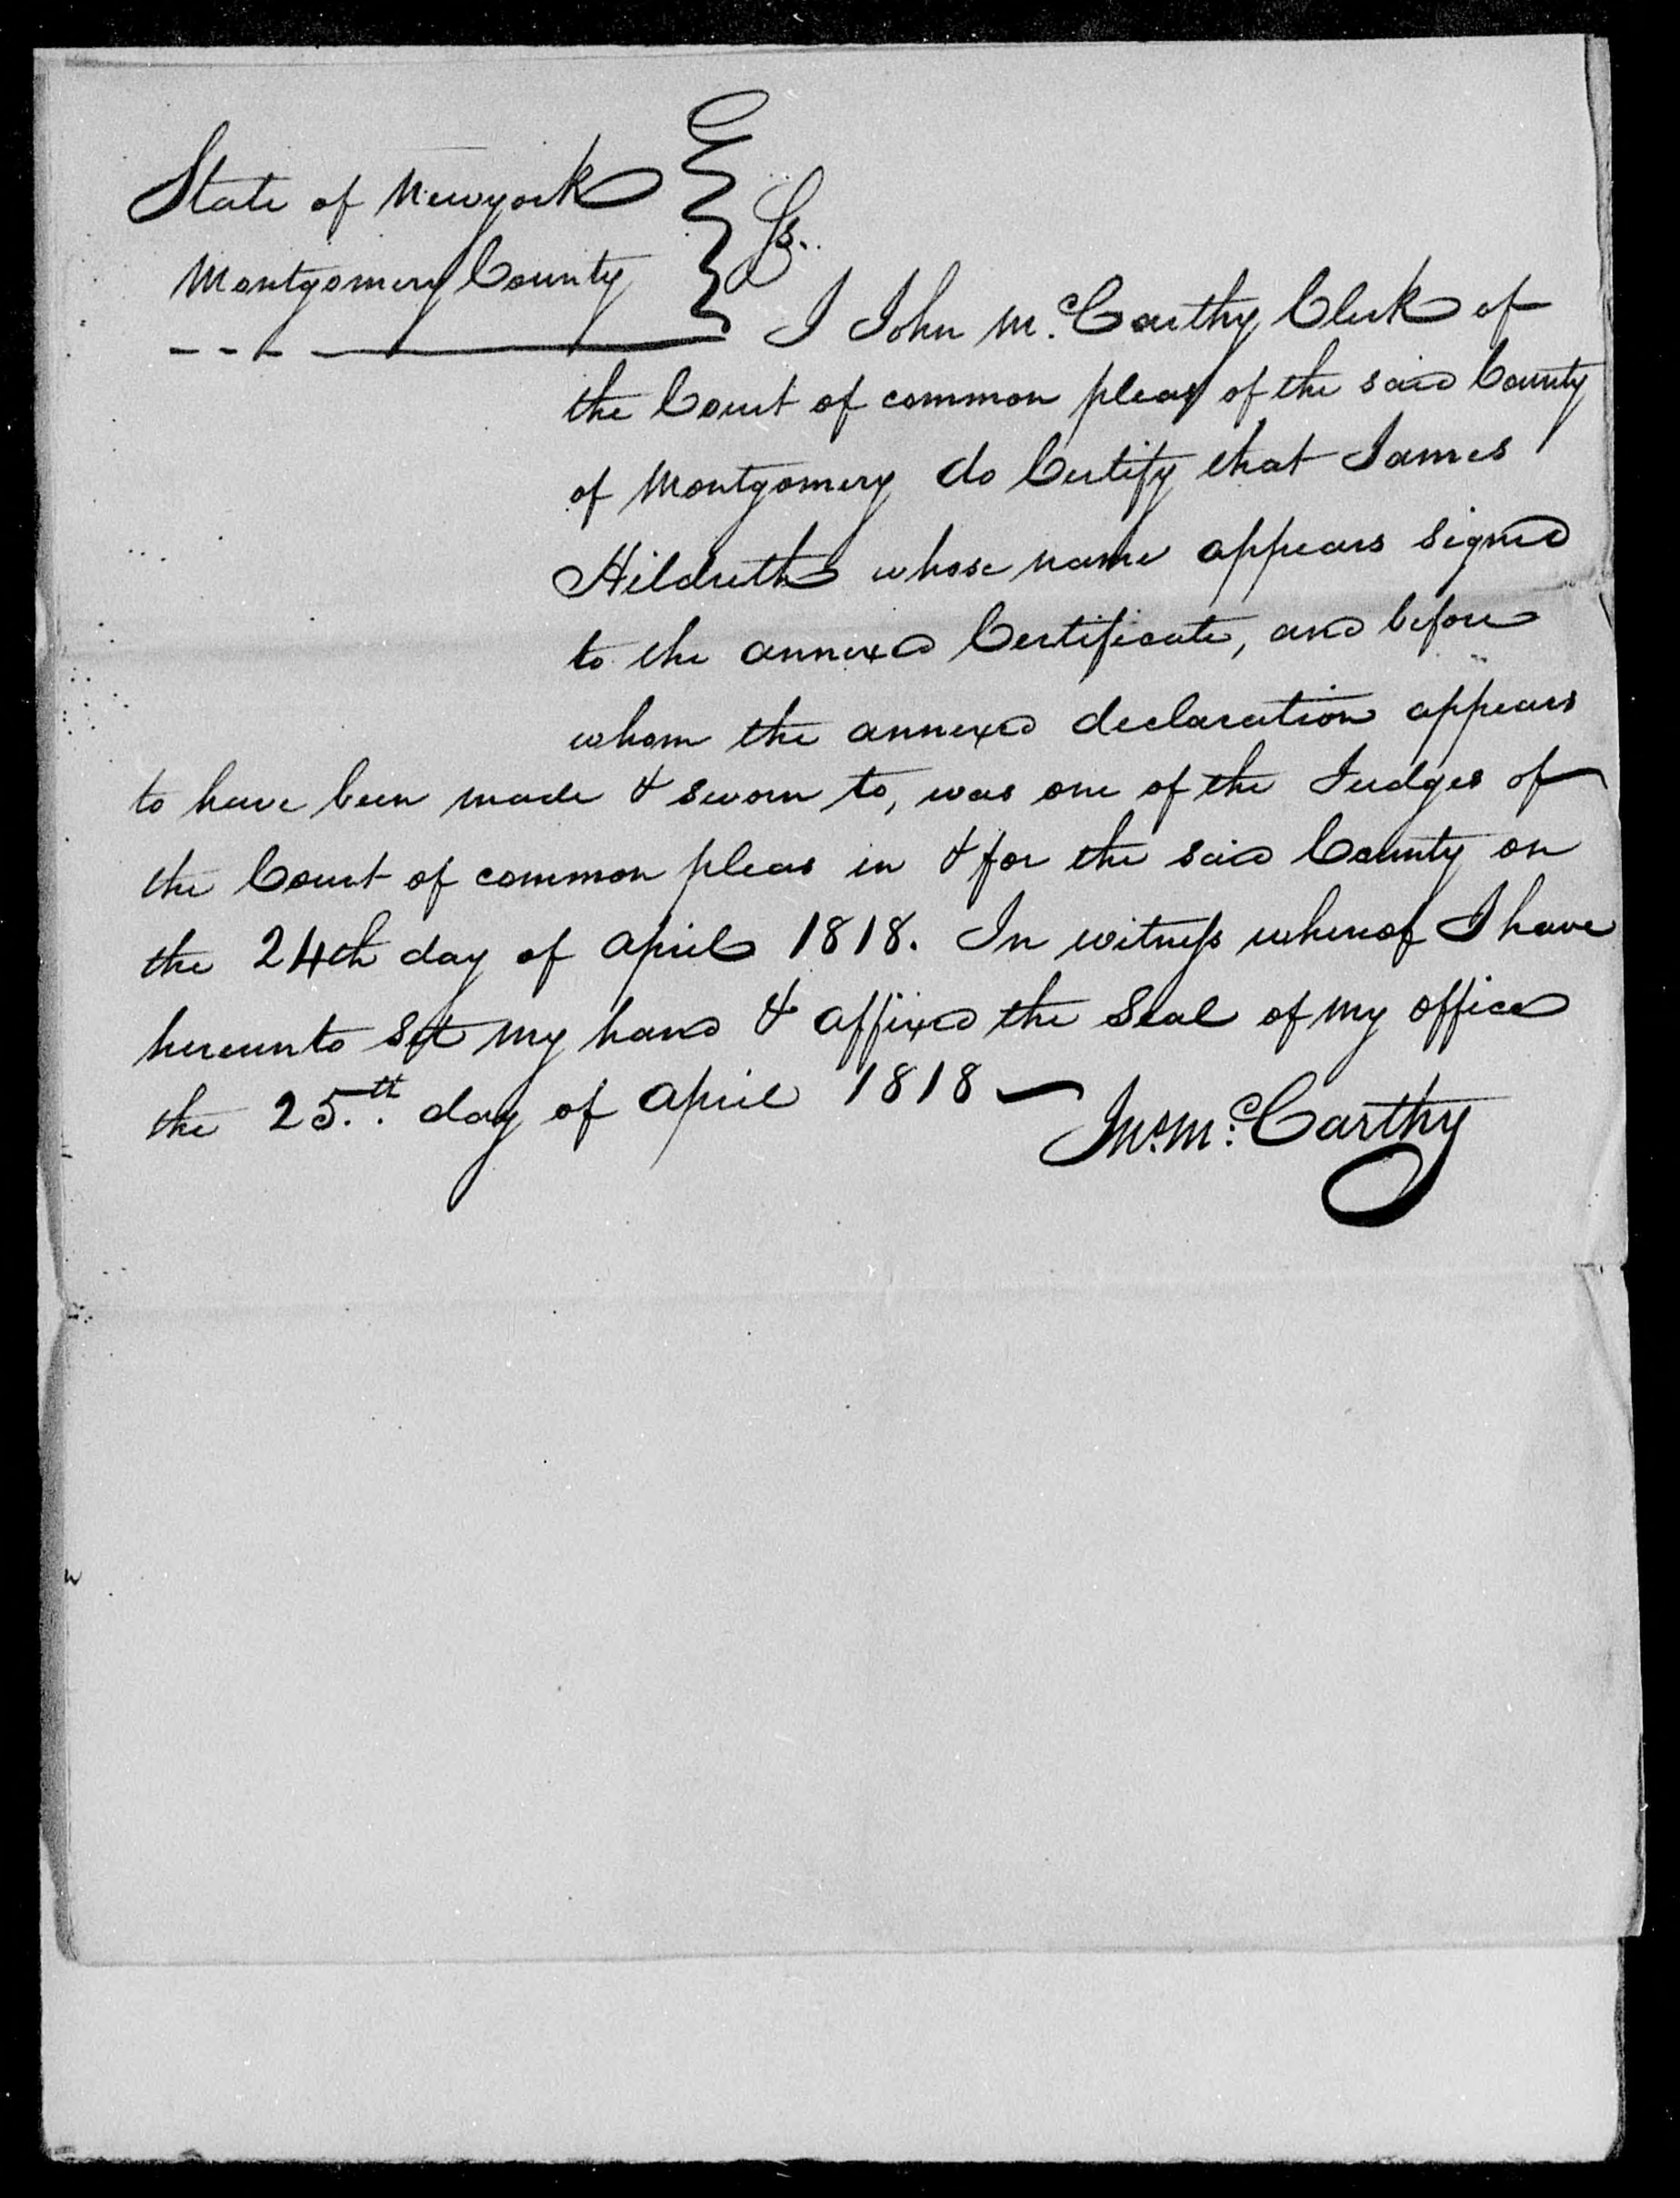State of New York
Montgomery County

I John mcCarthy [McCarthy] Clerk of the Court of common pleas of the said County of Montgomery do certify that James Hildreth whose name appears signed to the annexed Certificate, and before whom the annexed declaration appears to have been made + [and] sworn to, was one of the judges of the Court of common pleas in + [and] for the said County on the 24th day of April 1818. In witness whereof I have hereunto set my hand + [and] affixed the seal of my office the 25th day of April 1818.
J mcCarthy [McCarthy]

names: John Mc Carthy, James Hildreth, Jno Mc Carthy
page: 7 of 55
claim: widow's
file: W. 19503, Samuel Giles, Conti. Mass. New York